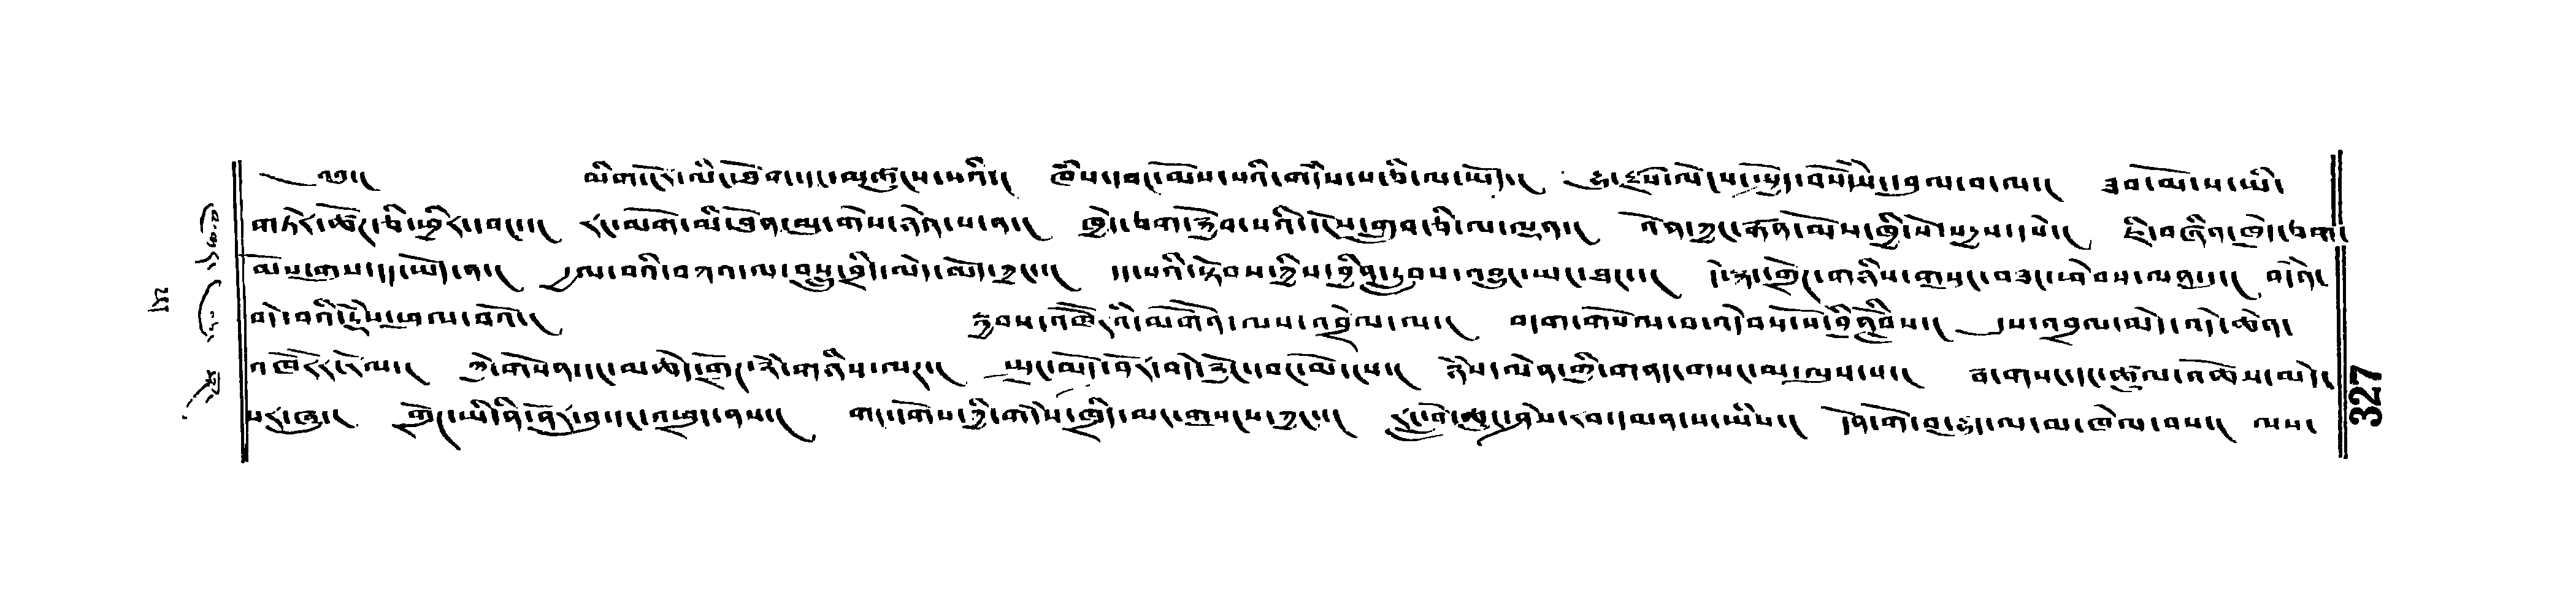མིག་ངོར་ལིང་ཐོག་དང་མཚུངས་པའི། ཁམས་དབང་མོས་པའི་གདམས་པ་ཅི་ལ་ཡོད། །རྒྱུ་རྫས་ལོངས་སྤྱོད་བསོད་ནམས་དབུལ་བ་ལ། །ཟབ་མོ་ས་ཡི་
གཏེར་ཚོགས་ཅིའི་ཕྱིར་དབང་། །རང་མགོ་མི་ཐོན་མུ་གེས་ཉེན་པ་ན། ཁྱེད་ཅག་སྐྱོབ་པའི་དངོས་གྲུབ་ཅི་ལ་ལྡན། །འོན་ཀྱང་རྒན་མོ་ཁྱི་སོས་སངས་རྒྱས་དཔེ། །ཇི་བཞིན་ཁྱེད་ཅག་
མོ་ས་གུས་དད་ཡོད་ན། །རྒྱལ་བའི་བཀའ་ལ་བསླུ་བྲིད་མེད་མོད་ཀྱང་། །དད་པའི་སྟོབས་ཀྱིས་བྱིན་རླབས་འབྱུང་ཡང་ཐང་། །དེ་སྐད་གྲོགས་གཉིས་གསུང་བཟང་ཕེབས་ལན་དུ། །བདེ་ཆེན་
བདེ་བའི་རྡོ་རྗེས་ཕུལ་བའོ།། སྐྱབས་འཁོར་ལོའི་མགོན་པོ་ལས་འབྲེལ་ལ། །བདག་གསོལ་བ་འདེབས་སོ་བྱིན་གྱིས་རློབས། །དུས་འབྲལ་མེད་བདེ་ཆེན་
འཁོར་ལོར་རོལ། ཀྱཻ་གསོན་དང་མཆེད་གྲོགས་རྣམ་གཉིས་ལགས། །སྤྲང་མདོ་ཤོར་བདེ་སྐྱོང་དབང་མོ་ངས། །ཉམས་ལེན་གྱི་གནད་གསང་མ་ལུས་པ། །སྦ་གསང་དང་ཚུལ་འཆོས་མེད་
པར་ཞུ། །གྲོགས་ཡིད་བཞིན་ནོར་བུ་དང་འཕྲད་ནས། །གང་དགོས་ཀྱི་གདམས་ཁྲིད་མང་གསུངས་ཀྱང་། །རང་བློ་ཆུང་ཤེས་རབ་དམན་པ་ཡིས། །དོན་གོ་བ་རྒྱུད་ལ་མ་ཁེལ་བས། །ལས་